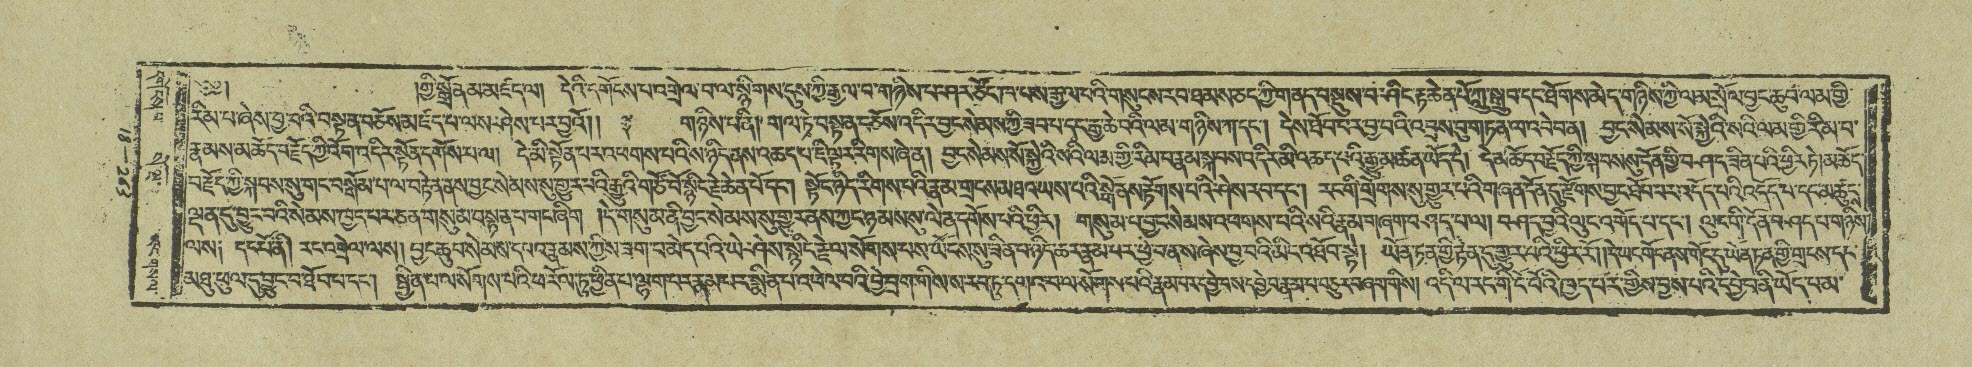༄༅། །གྱི་སྒྲོན་མ་མཛད་ལ། དེའི་དགོངས་པ་འགྲེལ་བ་ལ་སྙིགས་དུས་ཀྱི་རྒྱལ་བ་གཉིས་པ་ཤར་ཙོང་ཁ་བས་རྒྱལ་བའི་གསུངས་རབ་ཐམས་ཅད་ཀྱི་གནད་བསྡུས་པ་ཤིང་རྟ་ཆེན་པོ་ཀླུ་སྒྲུབ་དང་ཐོགས་མེད་གཉིས་ཀྱི་ལམ་སྲོལ་བྱང་ཆུབ་ལམ་གྱི་
རིམ་པ་ཞེས་བྱ་བའི་བསྟན་བཅོས་མཛད་པ་ལས་ཤེས་པར་བྱའོ།། ༈ གཉིས་པ་ནི། གལ་ཏེ་བསྟན་བཅོས་འདིར་བྱང་སེམས་ཀྱི་ཟབ་པ་དང་རྒྱ་ཆེ་བའི་ལམ་གཉིས་ཀ་དང་། དེས་ཐོབ་པར་བྱ་བའི་འབྲས་བུ་གཏན་ལ་འབེབས་ན། བྱང་སེམས་སོ་སྐྱེའི་སའི་ལམ་གྱི་རིམ་པ་
རྣམས་མཆོད་བརྗོད་ཀྱི་འོག་འདིར་སྟོན་དགོས་པ་ལ། དེ་མི་སྟོན་པར་འཕགས་པའི་ས་ཉིད་ནས་འཆད་པ་ཇི་ལྟར་རིགས་ཞེ་ན། བྱང་སེམས་སོ་སྐྱེའི་སའི་ལམ་གྱི་རིམ་པ་རྣམ་སྐབས་འདིར་མི་འཆད་པའི་རྒྱུ་མཚན་ཡོད་དེ། དེ་མཆོད་བརྗོད་ཀྱི་སྐབས་སུ་དོན་གྱི་བཤད་ཟིན་པའི་ཕྱིར་ཏེ། མཆོད་
བརྗོད་ཀྱི་སྐབས་སུ་གང་བསྒོམ་པ་ལ་བརྟེན་ནས་བྱང་སེམས་སུ་གྱུར་པའི་རྒྱུའི་གཙོ་བོ་སྙིང་རྗེ་ཆེན་པོ་དང་། སྟོང་ཉིད་རིགས་པའི་རྣམ་གྲངས་མཐའ་ཡས་པའི་སྒོ་ནས་རྟོགས་པའི་ཤེས་རབ་དང་། རང་གི་གྲོགས་སུ་གྱུར་པའི་གཞན་དོན་དུ་རྫོགས་བྱང་ཐོབ་པར་འདོད་པའི་འདོད་པ་དང་མཚུངས་
ལྡན་དུ་བྱུང་བའི་སེམས་ཁྱད་པར་ཅན་གསུམ་བསྟན་པ་གང་ཞིག །དེ་གསུམ་ནི་བྱང་སེམས་སུ་གྱུར་ནས་ཀྱང་ཉམས་སུ་ལེན་དགོས་པའི་ཕྱིར། གསུམ་པ་བྱང་སེམས་འཕགས་པའི་སའི་རྣམ་གཞག་བཤད་པ་ལ། བཤད་བྱའི་ལུང་འགོད་པ་དང་། ལུང་གི་དོན་བཤད་པ་གཉིས་
ལས༑ དང་པོ་ནི། རང་འགྲེལ་ལས། བྱང་ཆུབ་སེམས་དཔའ་རྣམས་ཀྱིས་ཟག་པ་མེད་པའི་ཡེ་ཤེས་སྙིང་རྗེ་ལ་སོགས་པས་ཡོངས་སུ་ཟིན་པ་ཉིད་ཆར་རྣམ་པར་ཕྱེ་བ་ནས་ཞེས་བྱ་བའི་མིང་འཐོབ་སྟེ། ཡོན་ཏན་གྱི་རྟེན་དུ་གྱུར་པའི་ཕྱིར་རོ། །དེ་ཡང་གོང་ནས་གོང་དུ་ཡོན་ཏན་གྱི་གྲངས་དང་
མཐུ་ཕུལ་དུ་བྱུང་བ་ཐོབ་པ་དང་། སྦྱིན་པ་ལ་སོགས་པའི་ཕ་རོལ་ཏུ་ཕྱིན་པ་ལྷག་པར་རྣམ་པར་སྨིན་པ་འཕེལ་བའི་བྱེ་བྲག་གིས་ས་རབ་ཏུ་དགའ་བ་ལ་སོགས་པའི་རྣམ་པར་དབྱེ་བས་དབྱེ་བ་རྣམ་པ་བཅུར་བཞག་གིས། འདི་ལ་རང་གི་ངོ་བོའི་ཁྱད་བར་གྱིས་བྱས་པའི་དབྱེ་བ་ནི་ཡོད་པ་མ་